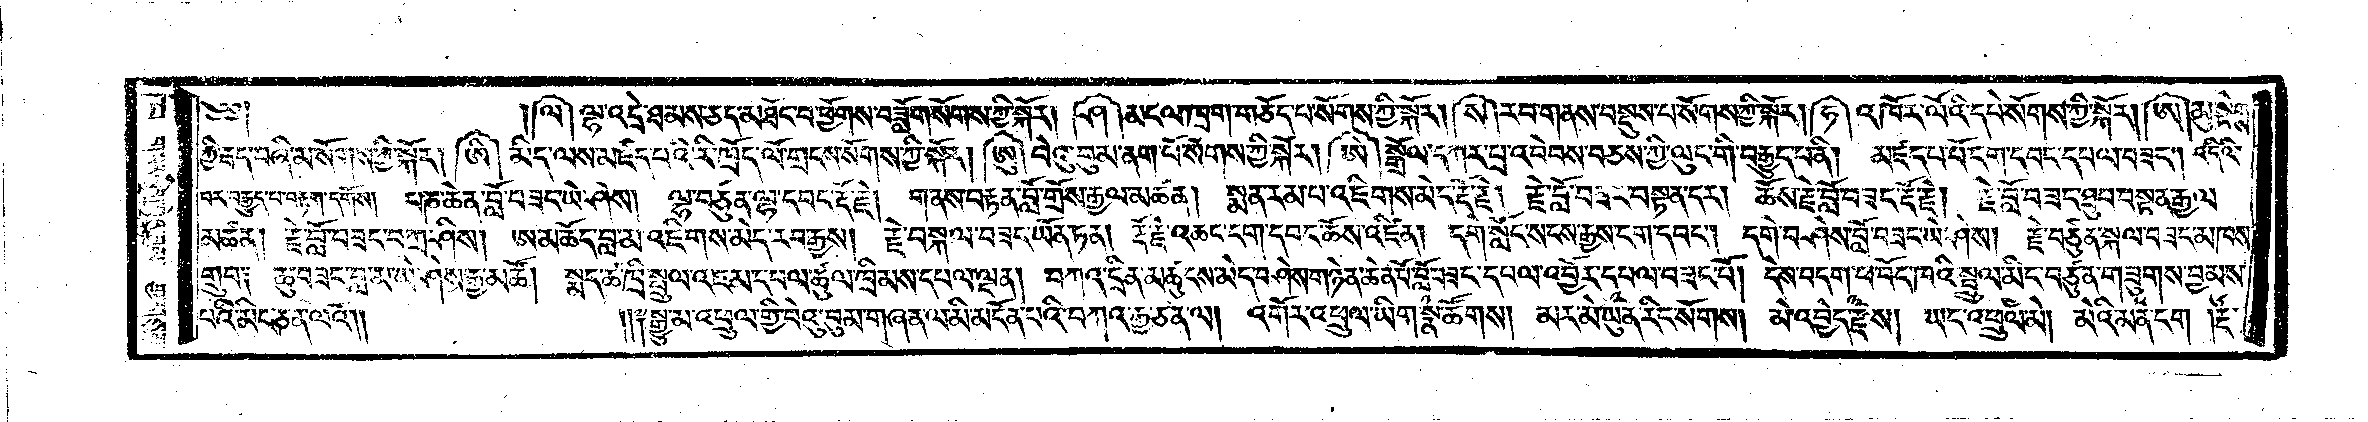༄༅། །༼ལ༽ ལྷ་འདྲེ་ཐམས་ཅད་མཐོང་བ་ཕྱོགས་བཟློག་སོགས་ཀྱི་སྐོར། ༼ཤ༽ མངལ་ཁྲག་གཅོད་པ་སོགས་ཀྱི་སྐོར། ༼ས༽ རབ་གནས་བསྡུས་པ་སོགས་ཀྱི་སྐོར། ༼ཧ༽ འཁོར་ལོའི་དཔེ་སོགས་ཀྱི་སྐོར། ༼ཨ༽ མུ་སྟེགས་
ཀྱི་རྦད་བཞི་མ་སོགས་ཀྱི་སྐོར། ༼ཨི༽ མིད་ལས་མཛད་པའི་རི་ཁྲོད་ལོ་གྲངས་སོགས་ཀྱི་སྐོར། ༼ཨུ༽ བེའུ་བུམ་ནག་པོ་སོགས་ཀྱི་སྐོར། ༼ཨེ༽ སྒྲོལ་དཀར་པྲ་འབེབས་བཅས་ཀྱི་ལུང་གི་བརྒྱུད་པ་ནི། མཛད་པ་པོ་ངག་དབང་དཔལ་བཟང་། འདིའི་
བར་བརྒྱུད་པ་བརྟག་དགོས། པཎ་ཆེན་བློ་བཟང་ཡེ་ཤེས། ལྷ་བཙུན་ལྷ་དབང་རྡོ་རྗེ། གནས་བརྟན་བློ་གྲོས་རྒྱལ་མཚན། སྨན་རམ་པ་འཇིགས་མེད་རྡོ་རྗེ། རྗེ་བློ་བཟང་བསྟན་དར། ཆོས་རྗེ་བློ་བཟང་རྡོ་རྗེ། རྗེ་བློ་བཟང་ཐུབ་བསྟན་རྒྱལ་
མཚན། རྗེ་བློ་བཟང་བཀྲ་ཤིས། ཨ་མཆོད་བླ་མ་འཇིགས་མེད་རབ་རྒྱས། རྗེ་བསྐལ་བཟང་ཡོན་ཏན། རྡོ་རྗེ་འཆང་ངག་དབང་ཆོས་འཛིན། དགེ་སློང་སངས་རྒྱས་ངག་དབང་། དགེ་བཤེས་བློ་བཟང་ཡེ་ཤེས། རྗེ་བཙུན་སྐལ་བཟང་མཁས་
གྲུབ༑ ཆུ་བཟང་བླ་མ་ཡེ་ཤེས་རྒྱ་མཚོ། སྨད་ཚ་ཁྲི་སྤྲུལ་འཇམ་དཔལ་ཚུལ་ཁྲིམས་དཔལ་ལྡན། བཀའ་དྲིན་མཚུངས་མེད་བཤེས་གཉེན་ཆེན་པོ་བློ་བཟང་དཔལ་འབྱོར་དཔལ་བཟང་པོ། དེས་བདག་ཕ་བོང་ཁའི་སྦྲུལ་མིང་བཙུན་གཟུགས་བྱམས་
པའི་མིང་ཅན་ལའོ།། །།༈སྒྱུ་མ་འཕྲུལ་གྱི་བེའུ་བུམ་གཞན་ལ་མི་མངོན་པའི་བཀའ་རྒྱ་ཅན་ལ། འགོར་འཕྲུལ་ཡིག་སྣ་ཚོགས། མར་མེ་ཡུན་རིང་སོགས། མེ་འབྱེད་རྫས། ཡང་འཕྲུལ་མེ། མེའི་མན་ངག །རྡ་